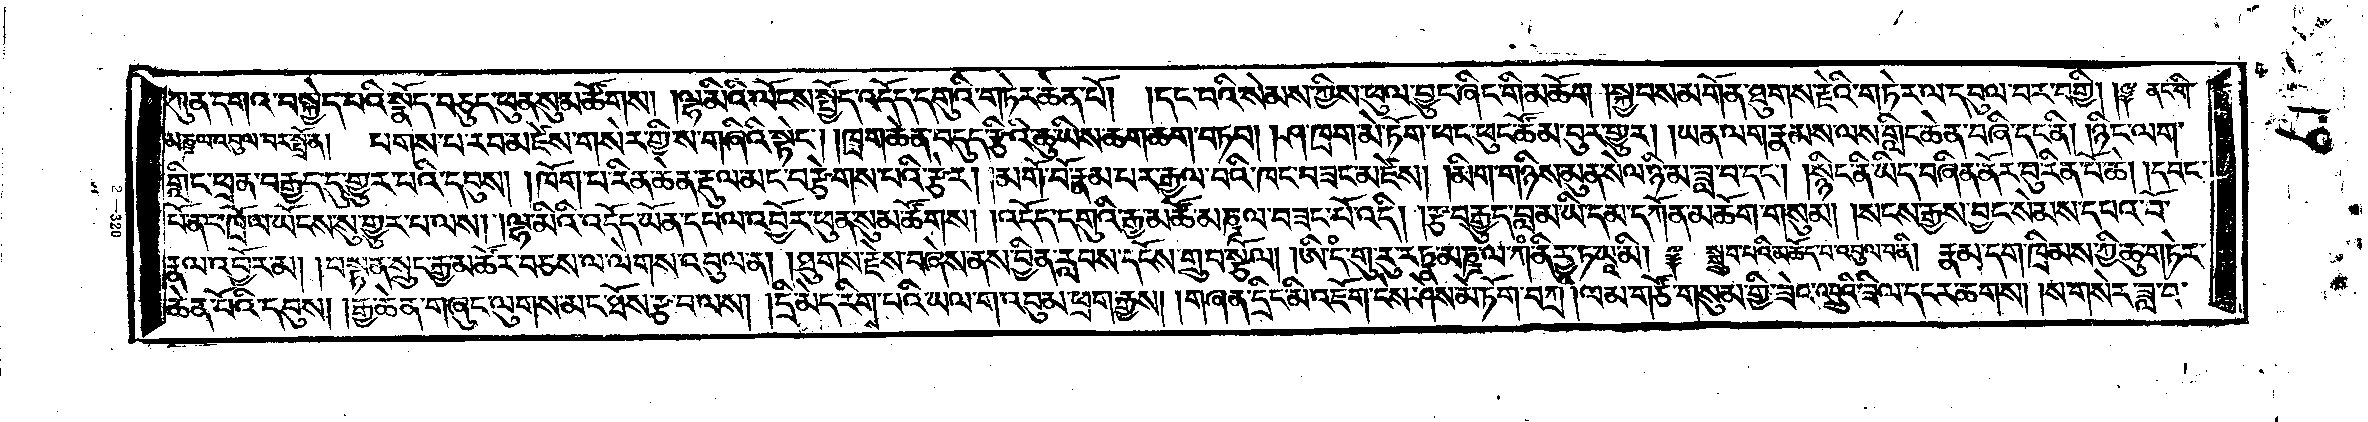ཀུན་དགའ་བསྐྱེད་པའི་སྣོད་བཅུད་ཕུན་སུམ་ཚོགས། །ལྷ་མིའི་ལོངས་སྤྱོད་འདོད་དགུའི་གཏེར་ཆེན་པོ། །དང་བའི་སེམས་ཀྱིས་ཕུལ་བྱུང་ཞིང་གི་མཆོག །སྐྱབས་མགོན་ཐུགས་རྗེའི་གཏེར་ལ་དབུལ་བར་བགྱི། །༈ནང་གི་
མཎྜལ་འབུལ་བར་སྤྲོ་ན། པགས་པ་རབ་མཛེས་གསེར་གྱིས་གཞིའི་སྟེང་། །ཁྲག་ཆེན་བདུད་རྩིའི་ཆུ་ཡིས་ཆག་ཆག་བཏབ། །ཤ་ཁྲག་མེ་ཏོག་ཕང་ཕུང་ཚོམ་པུར་གྱུར། །ཡན་ལག་རྣམས་ལས་གླིང་ཆེན་བཞི་དང་ནི། །ཉིང་ལག་
གླིང་ཕྲན་བརྒྱད་དུ་གྱུར་པའི་དབུས། །ཁོག་པ་རིན་ཆེན་རྡུལ་མང་བརྩེགས་པའི་རྩེར། །མགོ་བོ་རྣམ་པར་རྒྱལ་བའི་ཁང་བཟང་མཛེས། །མིག་གཉིས་མུན་སེལ་ཉི་མ་ཟླ་པ་དང་། །སྙིང་ནི་ཡིད་བཞིན་ནོར་བུ་རིན་པོ་ཆེ། །དབང་
པོ་ནང་ཁྲོལ་ཡོངས་སུ་གྱུར་པ་ལས། །ལྷ་མིའི་འདོད་ཡོན་དཔལ་འབྱོར་ཕུན་སུམ་ཚོགས། །འདོད་དགུའི་རྒྱ་མཚོ་མཎྜལ་བཟང་པོ་འདི། །རྩ་བརྒྱུད་བླ་མ་ཡི་དམ་དཀོན་མཆོག་གསུམ། །སངས་རྒྱས་བྱང་སེམས་དཔའ་བོ་
རྣལ་འབྱོར་མ། །བསྟན་སྲུང་རྒྱ་མཚོར་བཅས་ལ་ལེགས་འབུལ་ན། །ཐུགས་རྗེས་བཞེས་ནས་བྱིན་རླབས་དངོས་གྲུབ་སྩོལ། །ཨི་དཾ་གུ་རུ་རཏྣ་མཎྜལ་ཀཾ་ནི་རྒྱ་ཏ་ཡཱ་མི། ༈སྒྲུབ་པའི་མཆོད་པ་འབུལ་བ་ནི།  རྣམ་དག་ཁྲིམས་ཀྱི་ཆུ་གཏེར་
ཆེན་པོའི་དབུས། །རྒྱ་ཆེན་གཞུང་ལུགས་མང་ཐོས་རྩ་བ་ལས། །དྲི་མེད་རིགས་པའི་ཡལ་ག་འབུམ་ཕྲག་རྒྱས། །གཞན་དྲིང་མི་འཇོག་ངེས་ཤེས་མེ་ཏོག་བཀྲ། ལམ་གཙོ་གསུམ་གྱི་ཟེའ་འབྲུའི་ཟིལ་དང་ར་ཆགས། །ས་གསེར་ཟླ་བ་